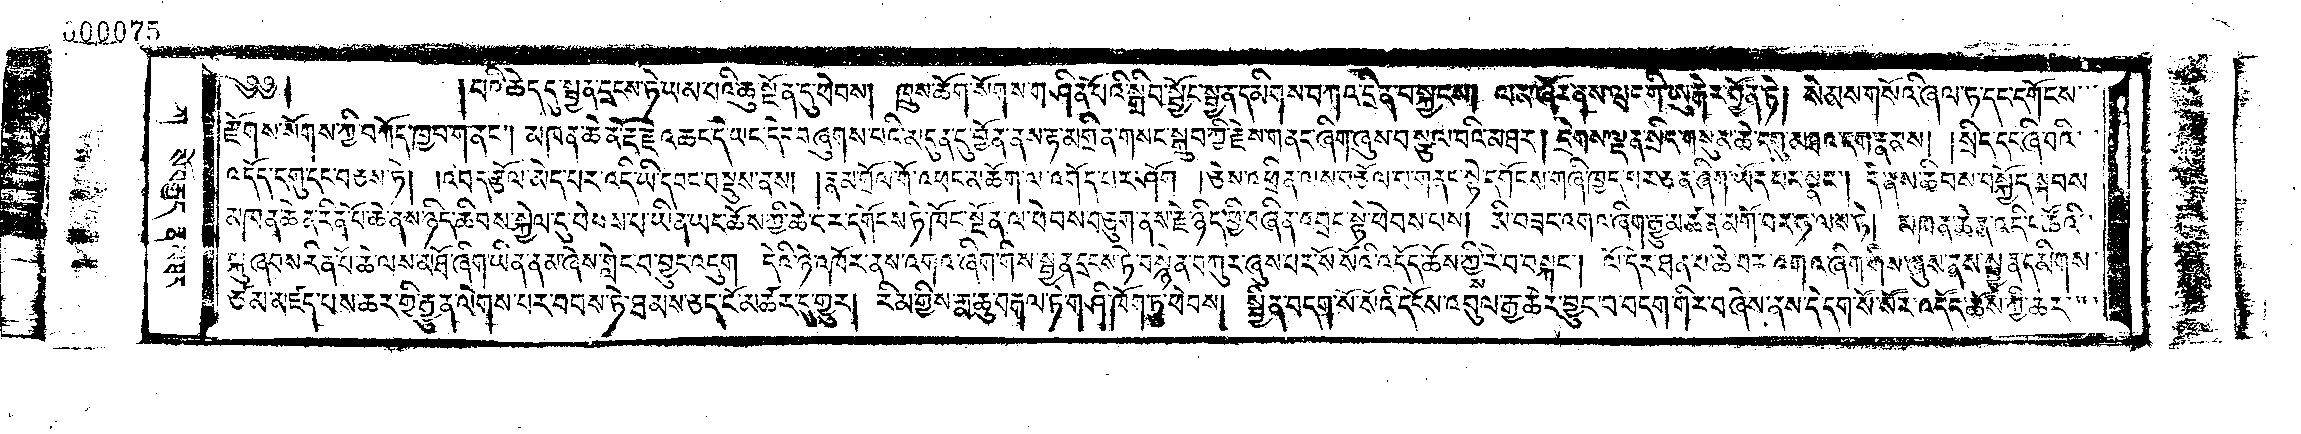༄༅། །པའི་ཆེད་དུ་སྤྱན་དྲངས་ཏེ་ཡམ་པའི་ཆུ་སྔོན་དུ་ཕེབས། ཁྲུས་ཆོག་སོགས་གཤིན་པོའི་སྒྲིབ་སྦྱོང་སྤྱན་དམིགས་བཀའ་དྲིན་བསྐྱངས། ལམ་ཞོར་ནས་ཝང་གི་ཨུརྒེར་བྱོན་ཏེ། སེམས་གསོའི་ཞལ་ཏ་དང་དགོངས་
རྫོགས་སོགས་ཀྱི་བཀོད་ཁྱབ་གནང་། མཁན་ཆེན་རྡོ་རྗེ་འཆང་དེ་ཡང་དེར་བཞུགས་པའི་མདུན་དུ་བྱོན་ནས་རྟ་མགྲིན་གསང་སྒྲུབ་ཀྱི་རྗེས་གནང་ཞིག་ཞུས་པ་སྩལ་པའི་མཐར། དྲེགས་ལྡན་སྲིད་གསུམ་ཆེ་དགུ་མཐའ་དག་རྣམས། །སྲིད་དང་ཞི་བའི་
འདོད་དགུ་དང་བཅས་ཏེ། །འབད་རྩོལ་མེད་པར་འདི་ཡི་དབང་བསྡུས་ནས། །རྣམ་གྲོལ་གོ་འཕང་མཆོག་ལ་འགོད་པར་ཤོག །ཅེས་འཕྲིན་ལས་བཅོལ་བ་གནང་སྟེ་དགོངས་གཞི་ཁྱད་པར་ཅན་ཞིག་ཡོད་པར་སྣང་། དེ་ནས་ཆིབས་བསྐྱོད་སྐབས་
མཁན་ཆེན་རིན་པོ་ཆེ་ནས་ཉིད་ཆིབས་སྐྱེལ་དུ་ཕེབས་པ་ཡིན་ཡང་ཆོས་ཀྱི་ཆེ་བར་དགོངས་ཏེ་ཁོང་སྔོན་ལ་ཕེབས་བཅུག་ནས་རྗེ་ཉིད་ཕྱི་བཞིན་འབྲང་སྟེ་ཕེབས་པས། མི་བཟང་འགའ་ཞིག་རྒྱུ་མཚན་མ་གོ་བར་ཧ་ལས་ཏེ། མཁན་ཆེན་འདི་ང་ཚོའི་
སྐུ་ཞབས་རིན་པོ་ཆེ་ལས་མཐོ་ཞིག་ཡིན་ནམ་ཞེས་གླེང་བ་བྱུང་འདུག། དེའི་ཉེ་འཁོར་ནས་འགའ་ཞིག་གིས་སྤྱན་དྲངས་ཏེ་བསྙེན་བཀུར་ཞུས་པར་སོ་སོའི་འདོད་ཆོས་ཀྱིས་རེ་བ་བསྐང་། ལོ་དེར་ཐན་བ་ཆེ་བར་འགའ་ཞིག་གིས་ཞུས་ནས་སྤྱན་དམིགས་
ཙམ་མཛད་པས་ཆར་གྱི་རྒྱུན་ལེགས་པར་བབས་ཏེ་ཐམས་ཅད་ངོ་མཚར་དུ་གྱུར། རིམ་གྱིས་རྨ་ཆུ་བརྒལ་ཏེ་གཤི་ཁོག་ཏུ་ཕེབས། སྤྱིན་བདག་སོ་སོའི་དངོས་འབུལ་རྒྱ་ཆེར་བྱུང་བ་བདག་གིར་བཞེས་ནས་དེ་དག་སོ་སོར་འདོད་ཆོས་ཀྱི་ཆར་